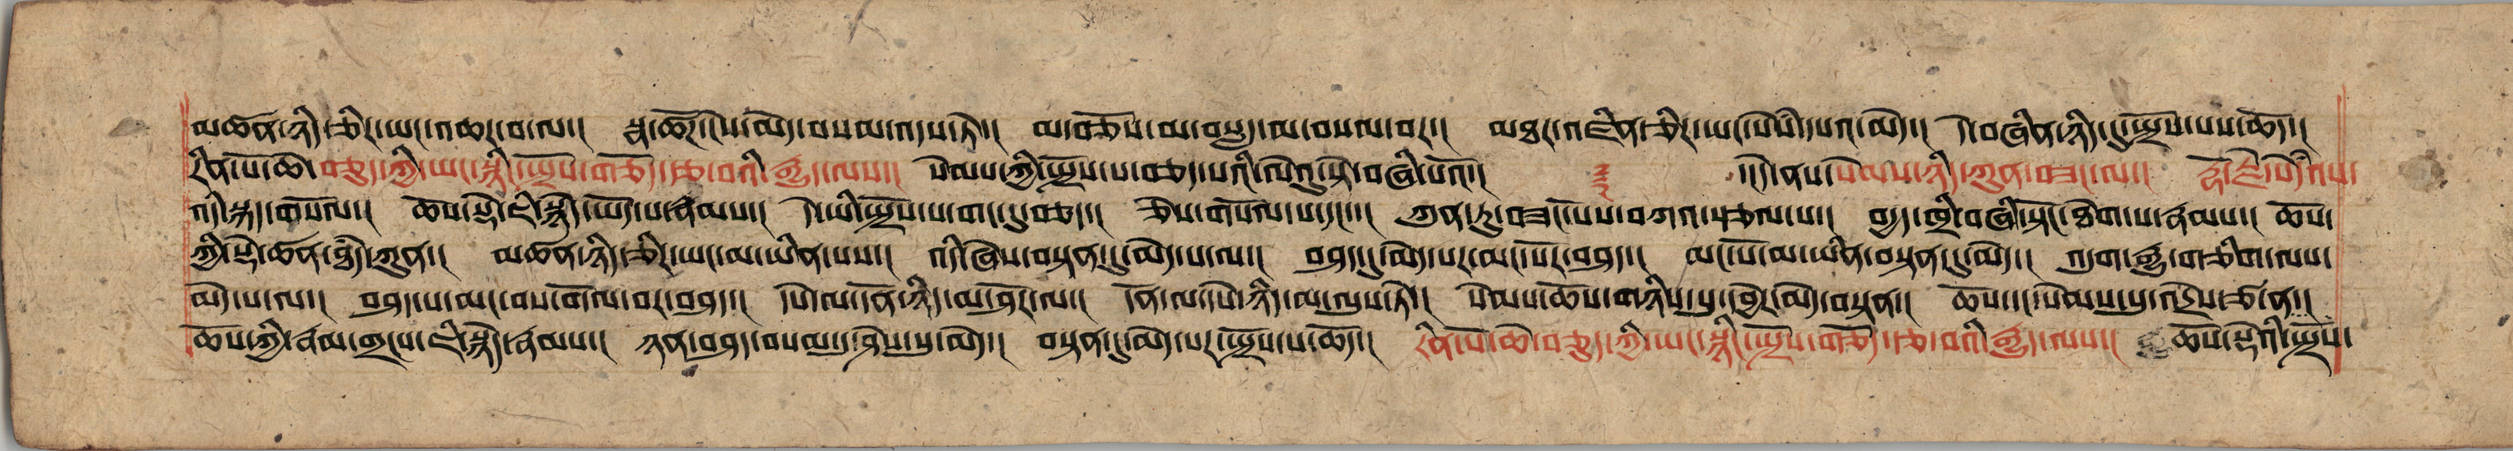མཚན་ཉིད་ཅིར་ཡང་འཆར་བ་ལ་། སྣ་ཚོཌ་ངེས་མེད་བསམ་འདས་ཏེ་། མ་བཅོས་མ་བསླད་མ་བསལ་བར་། མཐར་འཛིན་ཅིར་ཡང་སེཾས་དཔའ་མེད་། དེ་བཞིན་ཉིད་དུ་སྤྲོས་པས་ཆོད་།
རིན་པོ་ཆེ་བཅུད་ཀྱི་ཡང་སྙིང་སྤྲོས་གཅོད་རྩ་བའི་རྒྱུད་ལས་། སེམས་ཀྱི་སྤྲོས་པ་བཅད་པའི་ལེའུ་སྟེ་བཞི་པའོ་། ༈ ་།དེ་ནས་སེམས་ཉིད་ཀུན་བཟང་ལ་། རྡོ་རྗེ་སེདཾའས་
འདི་སྐད་གསོལ་། ཆོས་སྡེ་ཇི་སྙེད་ཡོད་པ་རྣམས་། དེ་ཡི་སྤྲོས་པ་གང་དུ་བཅད་། ཅེས་གསོལ་པ་དང་་། ཀུན་ཏུ་བཟང་པོས་བཀའ་སྩལ་པ་། བདྱད་ཁྲི་བཞི་སྟོང་ཐེག་པ་རྣམས་། ཆོས་
ཀྱི་སྡེ་ཚན་ཐཾད་ཀུན་། མཚན་ཉིད་ཅིར་ཡང་མ་ཡིན་པས་། འདི་ཞེས་བསྟན་དུ་མེད་པ་ལ་། བཤད་དུ་མེད་པར་མང་པོར་བཤད་། མང་པོ་མ་ཡིན་བསྟན་དུ་མེད་། འདུག་རྒྱུ་གཅིག་ལས་
མེད་པ་ལ། བཤད་པ་མང་བས་གོལ་བར་བཤད་། དཔེ་ལ་དོན་ཉིད་མ་ཤོར་ལ་། དོན་ལ་དཔེ་ཉིད་མ་ལུས་ཏེ་། སེམས་ཆོས་གཉིས་སུ་དབྱེར་མེད་བསྟན་། ཆོས་དང་སེམས་སུ་འདྲེས་ཙ་ན་།
ཆསོ་ཀྱི་རྣམ་གྲངས་ཇི་སྙེད་རྣམས་། ཉན་བཤད་བསམ་དུ་ཤེས་སུ་མེད་། བསྟན་དུ་མེད་པར་སྤྲོས་པ་ཆོད་། རིན་པོ་ཆེ་བཅུད་ཀྱི་ཡང་སྙིང་སྤྲོས་གཅོད་རྩ་བའི་རྒྱུད་ལས་། ཆོས་སྡེའི་སྤྲོས་